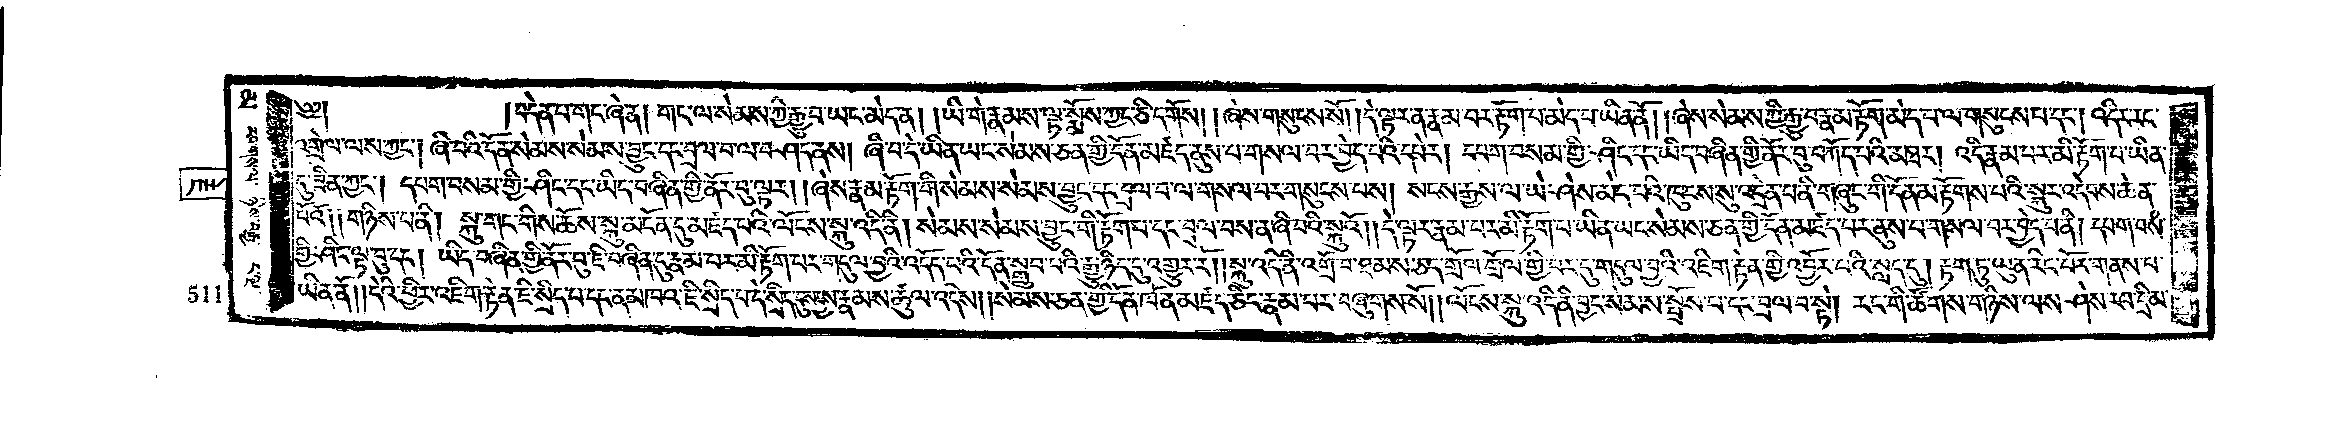༄༅། །བདེན་པ་གང་ཞེ་ན། གང་ལ་སེམས་ཀྱི་རྒྱུ་བ་ཡང་མེད་ན། །ཡི་གེ་རྣམས་ལྟ་སྨོས་ཀྱང་ཅི་དགོས། །ཞེས་གསུངས་སོ། །དེ་ལྟར་ན་རྣམ་པར་རྟོག་པ་མེད་པ་ཡིན་ནོ། །ཞེས་སེམས་ཀྱི་རྒྱུ་བ་རྣམ་རྟོག་མེད་པ་ལ་གསུངས་པ་དང་། འདིར་རང་
འགྲེལ་ལས་ཀྱང་། ཞི་བའི་དོན་སེམས་སེམས་བྱུང་དང་བྲལ་བ་ལ་བཤད་ནས། ཞི་བ་དེ་ཡིན་ཡང་སེམས་ཅན་གྱི་དོན་མཛད་ནུས་པ་གསལ་བར་བྱེད་པའི་དཔེར། དཔག་བསམ་གྱི་ཤིང་དང་ཡིད་བཞིན་གྱི་ནོར་བུ་བཀོད་པའི་མཐར། འདི་རྣམ་པར་མི་རྟོག་པ་ཡིན་
དུ་ཟིན་ཀྱང་། དཔག་བསམ་གྱི་ཤིང་དང་ཡིད་བཞིན་གྱི་ནོར་བུ་ལྟར། །ཞེས་རྣམ་རྟོག་གི་སེམས་སེམས་བྱུང་དང་བྲལ་བ་ལ་གསལ་བར་གསུངས་པས། སངས་རྒྱས་ལ་ཡེ་ཤེས་མེད་པའི་ཁུངས་སུ་འདྲེན་པ་ནི་གཞུང་གི་དོན་མ་རྟོགས་པའི་སྐུར་འདེབས་ཆེན་
པོའོ། །གཉིས་པ་ནི། སྐུ་གང་གིས་ཆོས་སྐུ་མངོན་དུ་མཛད་པའི་ལོངས་སྐུ་འདི་ནི། སེམས་སེམས་བྱུང་གི་རྟོག་པ་དང་བྲལ་བས་ན་ཞི་བའི་སྐུའོ། །དེ་ལྟར་རྣམ་པར་མི་རྟོག་པ་ཡིན་ཡང་སེམས་ཅན་གྱི་དོན་མཛད་པར་ནུས་པ་གསལ་བར་བྱེད་པ་ནི། དཔག་བསམ་
གྱི་ཤིང་ལྟ་བུ་དང་། ཡིད་བཞིན་གྱི་ནོར་བུ་ཇི་བཞིན་དུ་རྣམ་པར་མི་རྟོག་པར་གདུལ་བྱའི་འདོད་པའི་དོན་སྒྲུབ་པའི་རྒྱུ་ཉིད་དུ་འགྱུར་རོ། །སྐུ་འདི་ནི་འགྲོ་བ་ཐམས་ཅད་གྲོལ་གྲོལ་གྱི་བར་དུ་གདུལ་བྱའི་འཇིག་རྟེན་གྱི་འབྱོར་བའི་སླད་དུ། རྟག་ཏུ་ཡུན་རིང་པོར་གནས་པ་
ཡིན་ནོ། །དེའི་ཕྱིར་འཇིག་རྟེན་ཇི་སྲིད་པ་དང་ན་མཁའ་ཇི་སྲིད་པ་དེ་སྲིད་དུ་སངས་རྒྱས་རྣམས་ཚུལ་འདིས། །སེམས་ཅན་གྱི་དོན་ཁོ་ན་མཛད་ཅིང་རྣམ་པར་བཞུགས་སོ། །ལོངས་སྐུ་འདི་ནི་བྱང་སེམས་སྤྲོས་པ་དང་བྲལ་བ་སྟེ། རང་གི་ཚོགས་གཉིས་ལས་ཤེས་རབ་དྲི་མ་